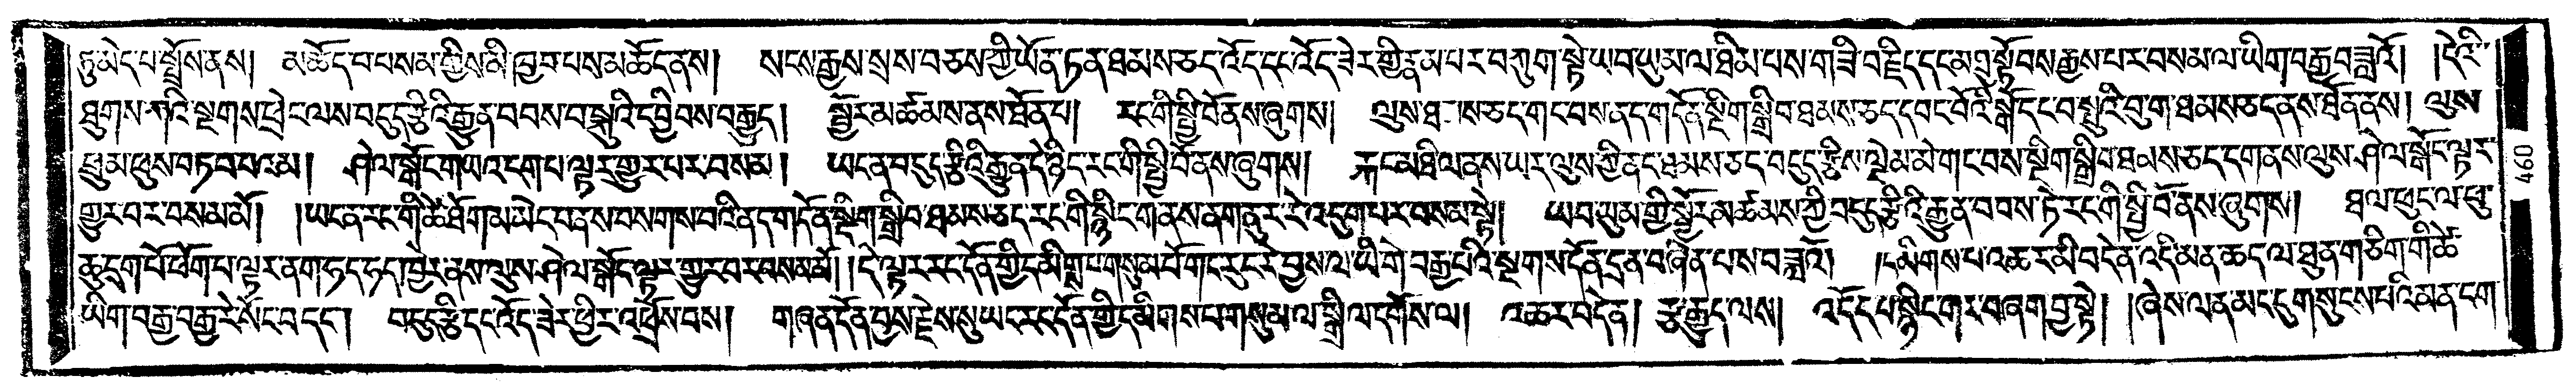ཏུ་མེད་པ་སྤྲོས་ནས། མཆོད་པ་བསམ་གྱིས་མི་ཁྱབ་པས་མཆོད་ནས། སངས་རྒྱས་སྲས་བཅས་ཀྱི་ཡོན་ཏན་ཐམས་ཅད་འོད་དང་འོད་ཟེར་གྱི་རྣམ་པར་བཀུག་སྟེ་ཡབ་ཡུམ་ལ་ཐིམ་པས་གཟི་བརྗིད་དང་མཐུ་སྟོབས་རྒྱས་པར་བསམ་ལ་ཡིག་བརྒྱ་བཟླའོ། །དེའི་
ཐུགས་ཀའི་སྔགས་ཕྲེང་ལས་བདུད་རྩིའི་རྒྱུན་བབས་བ་སྐུའི་དབྱིབས་བརྒྱུད། སྦྱོར་མཚམས་ནས་ཐོན་པ། རང་གི་སྤྱི་བོ་ནས་ཞུགས། ལུས་ཐམས་ཅད་གང་བས་ནད་གདོན་སྡིག་སྒྲིབ་ཐམས་ཅད་དབང་པོའི་སྒོ་དང་བ་སྤུའི་བུ་ག་ཐམས་ཅད་ནས་ཐོན་ནས། ལུས་
ཕྲུམ་ཕུས་བཏབ་བའམ། ཤེལ་སྒོང་གཡའ་དག་པ་ལྟར་གྱུར་པར་བསམ། ཡང་ན་བདུད་རྩིའི་རྒྱུན་དེ་ཉིད་རང་གི་སྤྱི་བོ་ནས་ཞུགས། རྐང་མཐིལ་ནས་ཡར་ལུས་ཀྱི་ནང་ཐམས་ཅད་བདུད་རྩིས་ལྡེམ་མེ་གང་བས་སྡིག་སྒྲིབ་ཐམས་ཅད་དག་ནས་ལུས་ཤེལ་སྒོང་ལྟར་
གྱུར་བར་བསམ་མོ། །ཡང་ན་རང་གི་ཚེ་ཐོག་མ་མེད་པ་ནས་བསགས་པའི་ནད་གདོན་སྡིག་སྒྲིབ་ཐམས་ཅད་རང་གི་སྙིང་ག་ནས་ནག་ནུར་རེ་འདུག་པར་བསམ་སྟེ། ཡབ་ཡུམ་གྱི་སྦྱོར་མཚམས་ཀྱི་བདུད་རྩིའི་རྒྱུན་བབས་ཏེ་རང་གི་སྤྱི་བོ་ནས་ཞུགས། ཐལ་ཕུང་ལ་ཕུ་
ཆུ་དྲག་པོ་ཕོག་པ་ལྟར་ནག་ཧད་ཧད་ཁྱེར་ནས་ལུས་ཤེལ་སྒོང་ལྟར་གྱུར་བར་བསམ་མོ། །དེ་ལྟར་རང་དོན་གྱི་དམིགས་པ་གསུམ་པོ་གང་རུང་རེ་བྱས་ལ་ཡི་གེ་བརྒྱ་པའི་སྔགས་དོན་དྲན་བཞིན་པས་བཟླའོ། །དམིགས་པ་འཆར་མི་བདེན་འདི་མན་ཆད་ལ་ཐུན་གཅིག་གི་ཚེ་
ཡིག་བརྒྱ་བརྒྱ་རེ་སོང་བ་དང་། བདུད་རྩི་དང་འོད་ཟེར་ཕྱིར་འཕྲོས་པས། གཞན་དོན་བྱས་རྗེས་སུ་ཡང་རང་དོན་གྱི་དམིགས་པ་གསུམ་ལ་སྒྲིལ་དགོས་ལ། འཆར་བདེན། རྩ་རྒྱུད་ལས། འདོད་པ་སྙིང་གར་བཞག་བྱ་སྟེ། །ཞེས་ལན་མང་དུ་གསུངས་པའི་མན་ངག་